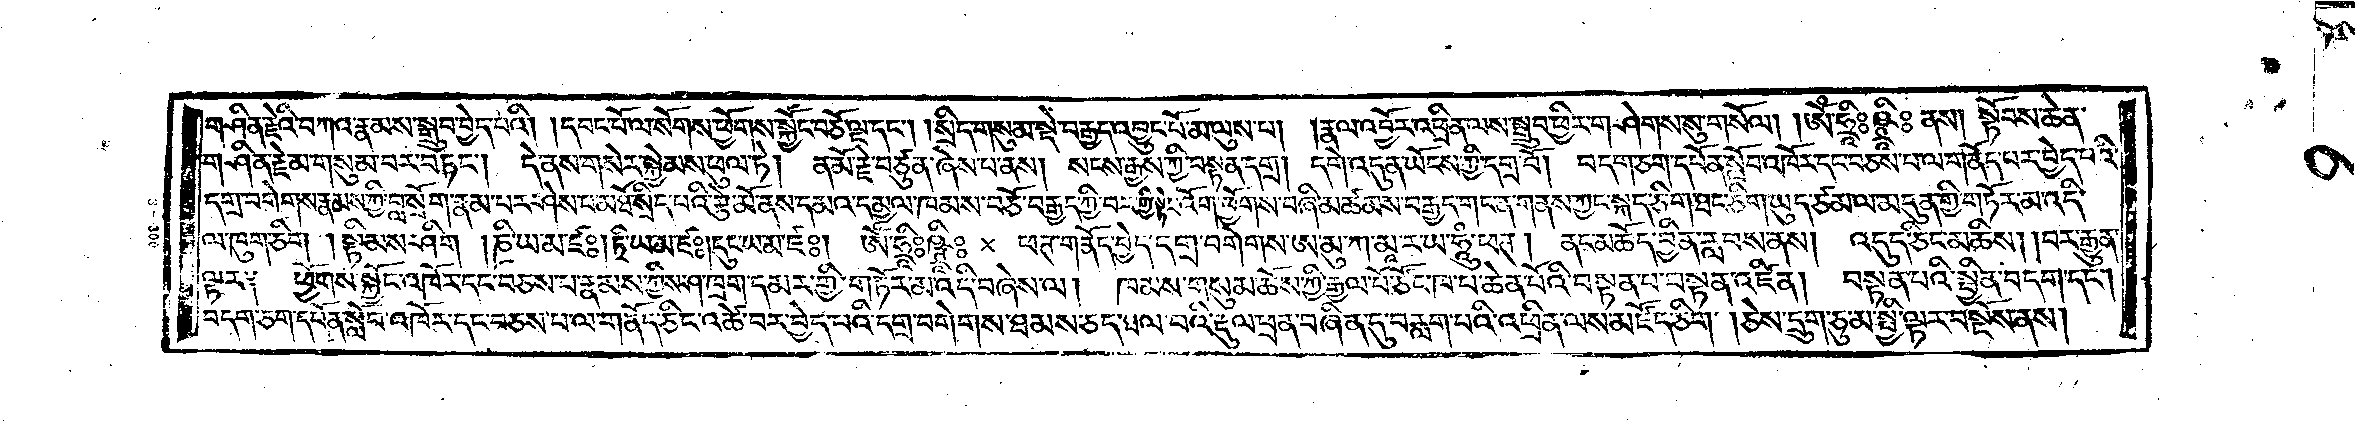གཤིན་རྗེའི་བཀའ་རྣམས་སྒྲུབ་བྱེད་པའི། །དབང་པོ་ལ་སོགས་ཕྱོགས་སྐྱོང་བཅོ་ལྔ་པ་དང་། །སྲིད་གསུམ་སྡེ་བརྒྱད་འབྱུང་པོ་མ་ལུས་པ། །རྣལ་འབྱོར་འཕྲིན་ལས་སྒྲུབ་ཕྱིར་གཤེགས་སུ་གསོལ། །ཨོཾ་ཧྲཱིཿཥྚྲཱིཿནས། སྟོབས་ཆེན་
གཤིན་རྗེ་མ་གསུམ་པར་བཏང་། དེ་ནས་གསེར་སྐྱེམས་ཕུལ་ཏེ། ན་མོ་རྗེ་བཙུན་ཞེས་པ་ནས། སངས་རྒྱས་ཀྱི་བསྟན་དགྲ། དགེ་འདུན་ཡོངས་ཀྱི་དགྲ་བོ། བདག་ཅག་དཔོན་སློབ་འཁོར་དང་བཅས་པ་ལ་གནོད་པར་བྱེད་པའི་
དགྲ་བགེགས་རྣམས་ཀྱི་བླ་སྲོག་རྣམ་པར་ཤེས་པ་མཐོ་སྲིད་པའི་རྩེ་མོ་ནས་དམའ་དམྱལ་ཁམས་བཅོ་བརྒྱད་ཀྱི་བར་གྱི་སྟེང་འོག་ཕྱོགས་བཞི་མཚམས་བརྒྱད་གང་ན་གནས་ཀྱང་སྐད་ཅིག་ཐང་ཅིག་ཡུད་ཙམ་ལ་མདུན་གྱི་གཏོར་མ་འདི་
ལ་ཁུག་གཅིག །སྟིམས་ཤིག །ཎི་ཡ་མ་ཛཿ། ཏྲི་ཡ་མ་ཛཿ། དུང་ཡ་མ་ཛཿ། ཨོཾ་ཧྲཱིཿཥྚྲཱིཿ ྾་ཕཌ་གནོད་བྱེད་དགྲ་བགེགས་ཨ་མུ་ཀ་མཱ་ར་ཡ་ཧཱུཾ་ཕཌ། ནང་མཆོད་བྱིན་རླབས་ནས། འདུད་ཅིང་མཆིས། །བར་རྒྱུན་
ལྟར༑ ཕྱོགས་སྐྱོང་འཁོར་དང་བཅས་པ་རྣམས་ཀྱིས་ཤ་ཁྲག་དམར་གྱི་གཏོར་མ་འདི་བཞེས་ལ། ཁམས་གསུམ་ཆོས་ཀྱི་རྒྱལ་པོ་ཙོང་ཁ་པ་ཆེན་པོའི་བསྟན་པ་བསྟན་འཛིན། བསྟན་པའི་སྦྱིན་བདག་དང་།
བདག་ཅག་དཔོན་སློབ་འཁོར་དང་བཅས་པ་ལ་གནོད་ཅིང་འཚེ་བར་བྱེད་པའི་དགྲ་བགེགས་ཐམས་ཅད་ཐལ་བའི་རྡུལ་ཕྲན་བཞིན་དུ་བརླག་པའི་འཕྲིན་ལས་མཛོད་ཅིག །ཅེས་དྲུག་ཅུ་མ་སྤྱི་ལྟར་བསྔོས་ནས།